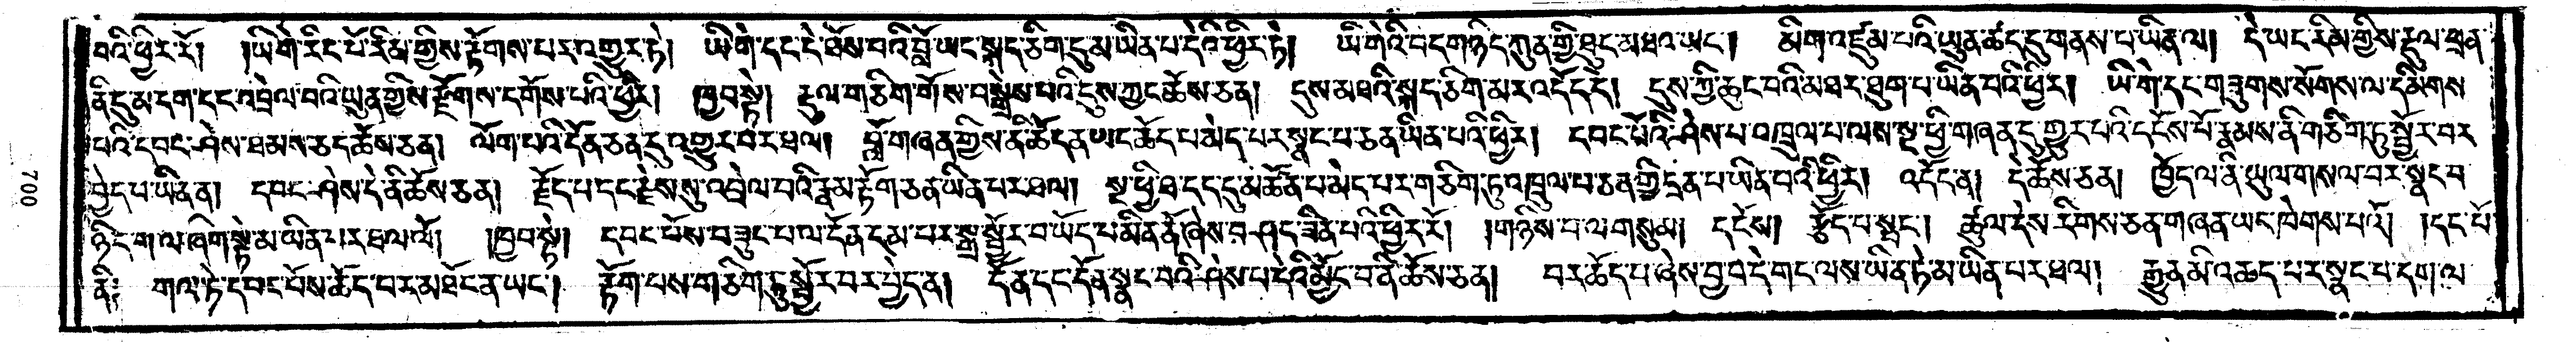བའི་ཕྱིར་རོ། །ཡི་གེ་རིང་པོ་རིམ་གྱིས་རྟོགས་པར་འགྱུར་ཏེ། ཡི་གེ་དང་དེ་ཐོས་བའི་བློ་ཡང་སྐད་ཅིག་དུ་མ་ཡིན་པ་དེའི་ཕྱིར་ཏེ། ཡི་གེའི་བདག་ཉིད་ཀུན་གྱི་ཐུང་མཐའ་ཡང་། མིག་འཛུམ་པའི་ཡུན་ཚད་དུ་གནས་པ་ཡིན་ལ། དེ་ཡང་རིམ་གྱིས་རྡུལ་ཕྲན་
ནི་དུ་མ་དག་དང་འབྲེལ་བའི་ཡུན་གྱིས་རྫོགས་དགོས་པའི་ཕྱིར། ཁྱབ་སྟེ། རྡུལ་གཅིག་གོས་བསྒྲེས་པའི་དུས་ཀྱང་ཆོས་ཅན། དུས་མཐའི་སྐད་ཅིག་མར་འདོད་དེ། དུས་ཀྱི་ཆུང་བའི་མཐར་ཐུག་པ་ཡིན་བའི་ཕྱིར། ཡི་གེ་དང་གཟུགས་སོགས་ལ་དམིགས་
པའི་དབང་ཤེས་ཐམས་ཅད་ཆོས་ཅན། ལོག་པའི་དོན་ཅན་དུ་འགྱུར་བར་ཐལ། བློ་གཞན་གྱིས་ནི་ཆོད་ན་ཡང་ཆོད་པ་མེད་པར་སྣང་པ་ཅན་ཡིན་པའི་ཕྱིར། དབང་པོའི་ཤེས་པ་འཁྲུལ་པ་ལས་སྔ་ཕྱི་གཞན་དུ་གྱུར་པའི་དངོས་པོ་རྣམས་ནི་གཅིག་ཏུ་སྦྱོར་བར་
བྱེད་པ་ཡིན་ན། དབང་ཤེས་དེ་ནི་ཆོས་ཅན། རྗོད་པ་དང་རྗེས་སུ་འབྲེལ་བའི་རྣམ་རྟོག་ཅན་ཡིན་པར་ཐལ། སྔ་ཕྱི་ཐ་དད་དུ་མཚོན་པ་མེད་པར་གཅིག་ཏུ་འཁྲུལ་པ་ཅན་གྱི་དྲན་པ་ཡིན་པའི་ཕྱིར། འདོད་ན། དེ་ཆོས་ཅན། ཁྱོད་ལ་ནི་ཡུལ་གསལ་བར་སྣང་བ་
ཉིད་གལ་ཞིག་སྟེ་མ་ཡིན་པར་ཐལ་ལོ། །ཁྱབ་སྟེ། དབང་པོས་བཟུང་པ་ལ་དོན་དམ་པར་སྒྲ་སྦྱོར་བ་ཡོད་པ་མིན་ནོ་ཞེས་བཤད་ཟིན་པའི་ཕྱིར་རོ། །གཉིས་པ་ལ་གསུམ། དངོས། རྩོད་པ་སྤང་། ཚུལ་དེས་རིགས་ཅན་གཞན་ཡང་ཁེགས་པའོ། །དང་པོ་
ནི༑ གལ་ཏེ་དབང་བོས་ཆོད་བར་མཐོང་ན་ཡང་། རྟོགས་པས་གཅིག་ཏུ་སྦྱོར་བར་བྱེད་ན། དོན་དང་དོན་སྣང་བའི་ཤེས་པ་དེའི་མྱོང་བ་ནི་ཆོས་ཅན། བར་ཆོད་པ་ཞེས་བྱ་བདེ་གང་ལས་ཡིན་ཏེ་མ་ཡིན་པར་ཐལ། རྒྱུན་མི་འཆད་པར་སྣང་པ་དག་ལ་